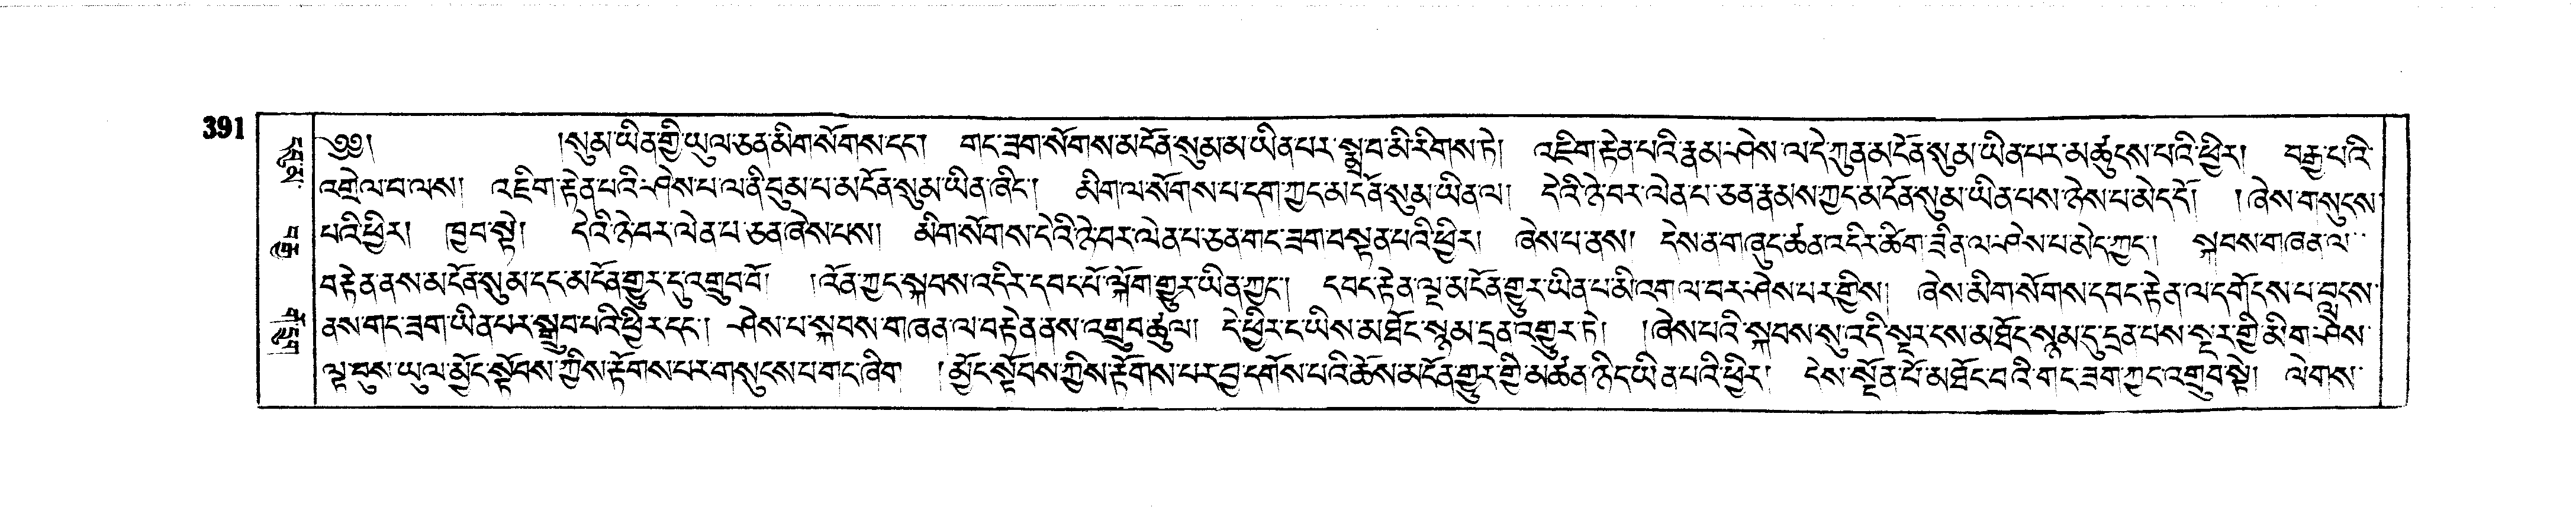༄༅། །སུམ་ཡིན་གྱི་ཡུལ་ཅན་མིག་སོགས་དང་། གང་ཟག་སོགས་མངོན་སུམ་མ་ཡིན་པར་སྨྲ་བ་མི་རིགས་ཏེ། འཇིག་རྟེན་པའི་རྣམ་ཤེས་ལ་དེ་ཀུན་མངོན་སུམ་ཡིན་པར་མཚུངས་པའི་ཕྱིར། བརྒྱ་པའི་
འགྲེལ་བ་ལས། འཇིག་རྟེན་པའི་ཤེས་པ་ལ་ནི་བུམ་པ་མངོན་སུམ་ཡིན་ཞིང་། མིག་ལ་སོགས་པ་དག་ཀྱང་མངོན་སུམ་ཡིན་ལ། དེའི་ཉེ་བར་ལེན་པ་ཅན་རྣམས་ཀྱང་མངོན་སུམ་ཡིན་པས་ཉེས་པ་མེད་དོ། །ཞེས་གསུངས་
པའི་ཕྱིར། ཁྱབ་སྟེ། དེའི་ཉེ་བར་ལེན་པ་ཅན་ཞེས་པས། མིག་སོགས་དེའི་ཉེ་བར་ལེན་པ་ཅན་གང་ཟག་བསྟན་པའི་ཕྱིར། ཞེས་པ་ནས། དེས་ན་གཞུང་ཚན་འདིར་ཚིག་ཟིན་ལ་ཤེས་པ་མེད་ཀྱང་། སྐབས་གཞན་ལ་
བརྟེན་ནས་མངོན་སུམ་དང་མངོན་གྱུར་དུ་འགྲུབ་བོ། །འོན་ཀྱང་སྐབས་འདིར་དབང་པོ་ལྐོག་གྱུར་ཡིན་ཀྱང་། དབང་རྟེན་ལྔ་མངོན་གྱུར་ཡིན་པ་མི་འགལ་བར་ཤེས་པར་གྱིས། ཞེས་མིག་སོགས་དབང་རྟེན་ལ་དགོངས་པ་བླངས་
ནས་གང་ཟག་ཡིན་པར་སྒྲུབ་པའི་ཕྱིར་དང་། ཤེས་པ་སྐབས་གཞན་ལ་བརྟེན་ནས་འགྲུབ་ཚུལ། དེ་ཕྱིར་ང་ཡིས་མཐོང་སྙམ་དྲན་འགྱུར་ཏེ། །ཞེས་པའི་སྐབས་སུ་འདི་སྔར་ངས་མཐོང་སྙམ་དུ་དྲན་པས་སྔར་གྱི་མིག་ཤེས་
ལྟ་བུས་ཡུལ་མྱོང་སྟོབས་ཀྱིས་རྟོགས་པར་གསུངས་པ་གང་ཞིག །མྱོང་སྟོབས་ཀྱིས་རྟོགས་པར་བྱ་དགོས་པའི་ཆོས་མངོན་གྱུར་གྱི་མཚན་ཉིད་ཡིན་པའི་ཕྱིར། དེས་སྔོན་པོ་མཐོང་བའི་གང་ཟག་ཀྱང་འགྲུབ་སྟེ། ལེགས་